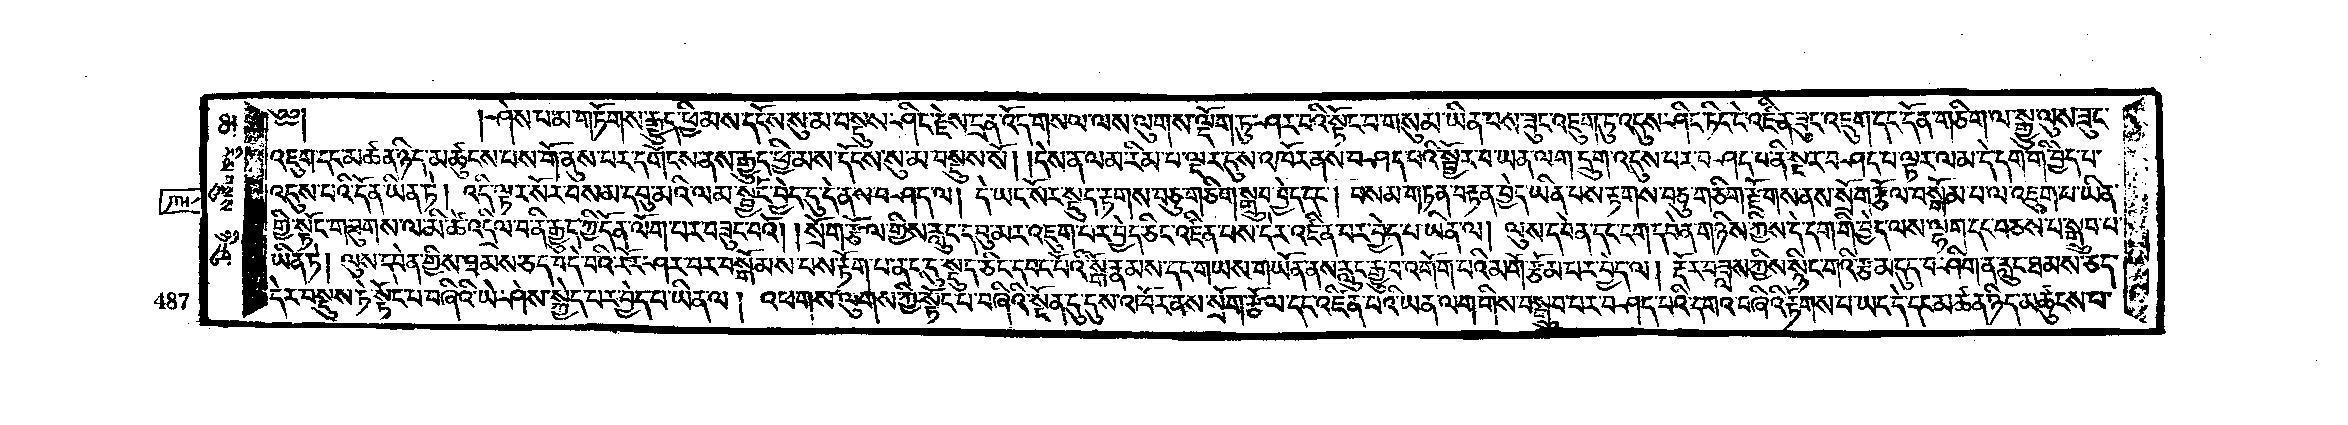༄༅། །ཤེས་པ་མ་གཏོགས་རྒྱུད་ཕྱི་མས་དངོས་སུ་མ་བསྡུས་ཤིང་རྗེས་དྲན་འོད་གསལ་ལས་ལུགས་ལྡོག་ཏུ་ཤར་བའི་སྟོང་པ་གསུམ་ཡིན་པས་ཟུང་འཇུག་ཏུ་འདུས་ཤིང་ཏིང་ངེ་འཛིན་ཟུང་འཇུག་དང་དོན་གཅིག་ལ་སྒྱུ་ལུས་ཟུང་
འཇུག་དང་མཚན་ཉིད་མཚུངས་པས་གོ་ནས་པར་དགོངས་ནས་རྒྱུད་ཕྱི་མས་དངོས་སུ་མ་བསྡུས་སོ། །དེས་ན་ལམ་རིམ་པ་ལྔར་དུས་འཁོར་ནས་བཤད་པའི་སྦྱོར་བ་ཡན་ལག་དྲུག་འདུས་པར་བཤད་པ་ནི་སྔར་བཤད་པ་ལྟར་ལམ་དེ་དག་གི་བྱེད་པ་
འདུས་པའི་དོན་ཡིན་ཏེ། འདི་ལྟར་སོར་བསམ་དབུ་མའི་ལམ་སྦྱོང་བྱེད་དུ་དེ་ནས་བཤད་ལ། དེ་ཡང་སོར་སྡུད་རྟགས་བཅུ་གཅིག་སྒྲུབ་བྱེད་དང་། བསམ་གཏན་བརྟན་བྱེད་ཡིན་པས་རྟགས་བཅུ་གཅིག་རྫོགས་ནས་སྲོག་རྩོལ་བསྒོམ་པ་ལ་འཇུག་པ་ཡིན་
གྱི་སྟོང་གཟུགས་ལ་མི་ཚེ་འདྲིལ་བ་ནི་རྒྱུད་ཀྱི་དོན་ལོག་པར་བཟུང་བའོ། །སྲོག་རྩོལ་གྱིས་རླུང་དབུ་མར་འཇུག་པར་བྱེད་ཅིང་འཛིན་པས་དེར་འཛིན་པར་བྱེད་པ་ཡིན་ལ། ལུས་དབེན་དང་ངག་དབྱེན་ཉིས་ཀྱིས་དེ་དག་གི་བྱེད་ལས་ལྷག་དང་བཅས་པ་སྒྲུབ་པ་
ཡིན་ཏེ། ལུས་དབེན་གྱིས་ཐམས་ཅད་བདེ་བའི་རོར་ཤར་བར་བསྒོམས་པས་རྟོག་པ་ནང་དུ་སྡུད་ཅིང་དབང་པོའི་སྒོ་རྣམས་དང་གཡས་གཡོན་ནས་རླུང་རྒྱུ་བ་འགོག་པའི་མགོ་རྩོམ་པར་བྱེད་ལ། རྡོར་བཟླས་ཀྱིས་སྙིང་གའི་རྩ་མ་དུད་བཤིག་ན་རླུང་ཐམས་ཅད་
དེར་བསྡུས་ཏེ་སྟོང་པ་བཞིའི་ཡེ་ཤེས་སྐྱེད་པར་བྱེད་པ་ཡིན་ལ། འཕགས་ལུགས་ཀྱི་སྟོང་བ་བཞིའི་སྔོན་དུ་དུས་འཁོར་ནས་སྲོག་རྩོལ་དང་འཛིན་པའི་ཡན་ལག་གིས་བསྒྲུབ་པར་བཤད་པའི་དགའ་བཞིའི་རྟོགས་པ་ཡང་དེ་དང་མཚན་ཉིད་མཚུངས་པ་